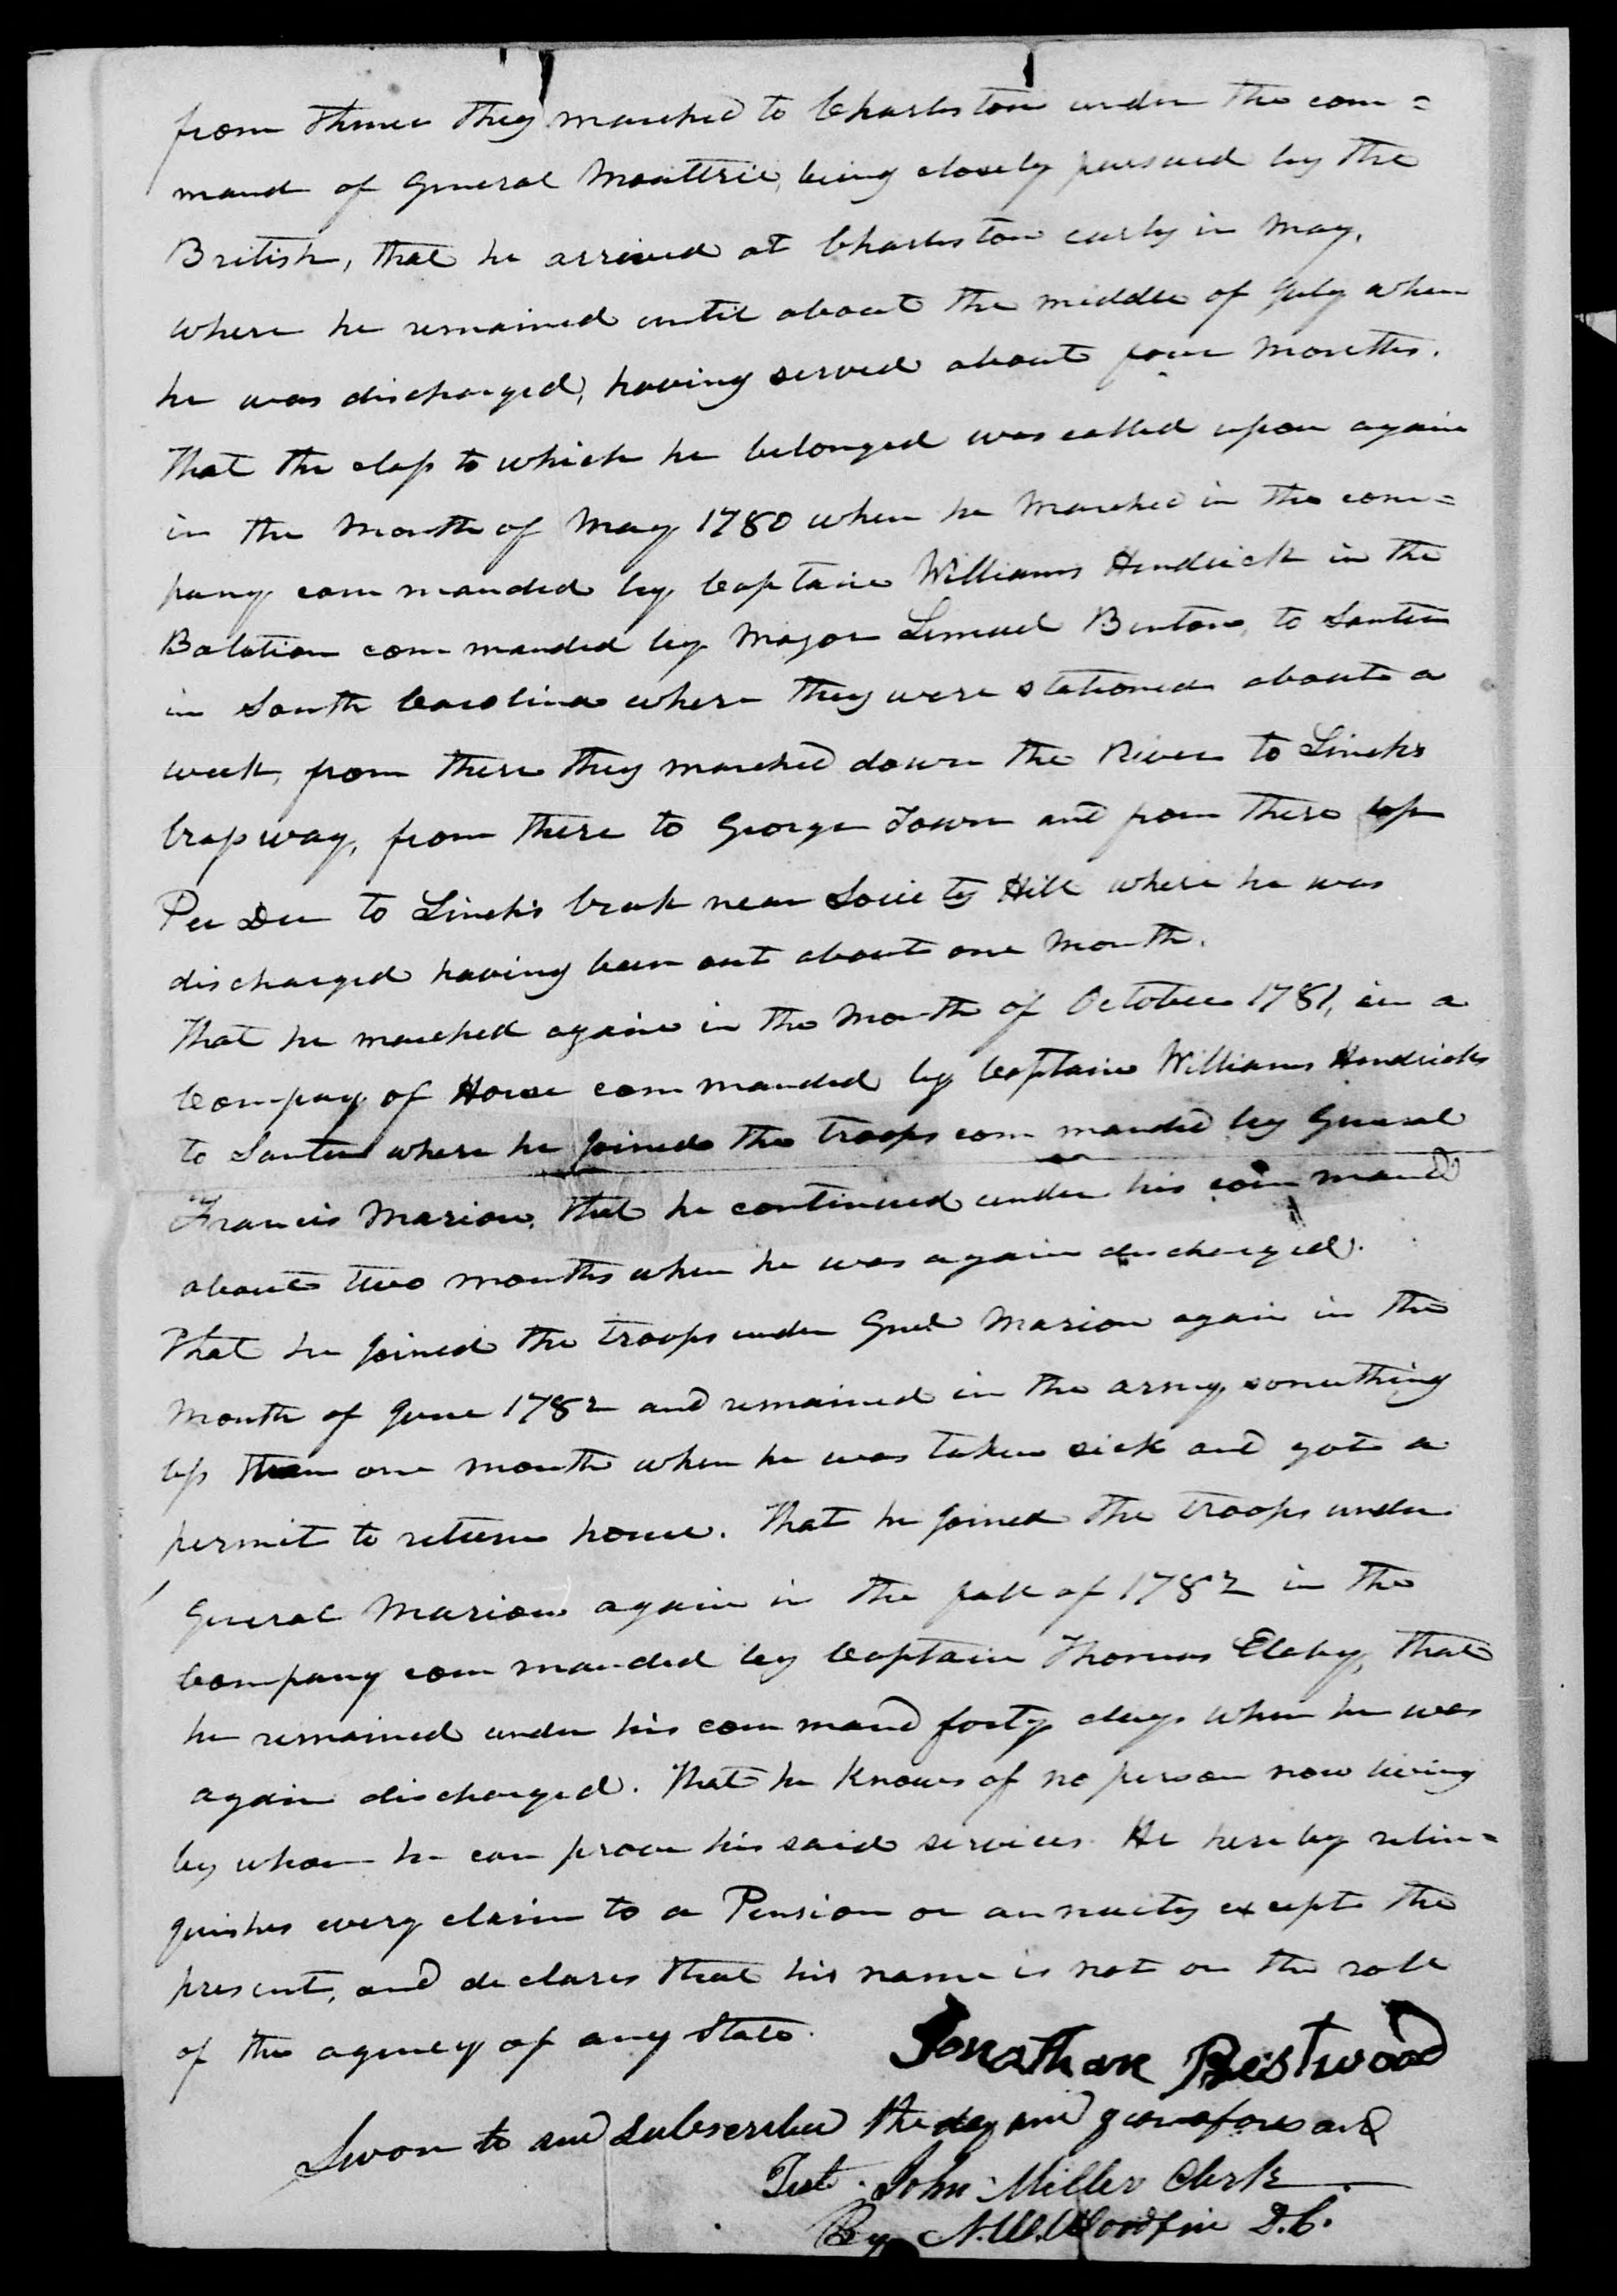from there they marched to Charleston under
the command of General Moultrie being closely pursued by the British, that he arrived at Charleston early in May where he remained until about the middle of July where he was
discharged, having served about four months. That the Class to which he belonged was called upon again in the month of May 1780 when he marched in the Company commanded by Captain William Hendrick [William Hendricks] in the Battalion commanded by Major Lemuel Benton to Santee [River] in South Carolina where they were stationed about a week from there they marched down the river to Linches Crossway [Lynches Causeway] from there to Georgetown and from there up Pee Dee [River] to Lynches Creek near Society Hill where he was discharged having been out about one month. That he marched again in the month of October 1781 in a Company of Horse commanded by Captain William Hendricks to Santee where he joined the Troops commanded by General Francis Marion, that he continued under his command about two months when he was again discharged. That he joined the troops under General 
Marion again in the month of June 1782 and remained in the Army something up than one month
when he was taken sick and got a permit to return home. That he joined the Troops under General Marion again in the Fall of 1782 in the Company commanded by Captain Thomas Eleby [Ellerbee]. that he remained under his command forty days when he was again discharged. That he knows of no person now living by whom he can prove his said services. He hereby relinquishes every claim to a Pension or Annuity except the present and declares that his name is not on the Roll of the Agency of any State.
s/ Jonathan Prestwood
Sworn to and subscribed the day and year aforesaid
Test John Miller Clerk
By S/ N.W. Woodfin DC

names: Lemuel Benton; [BLANK] Moultrie; Francis Marion; Thomas Elaby; Williams Hendrick; Jonathan Prestwood; Williams Hendricks; John Miller; N W Woodfin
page: 6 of 13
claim: survivor's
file: S. 8,977, for Jonathan Prestwood, South Carolina